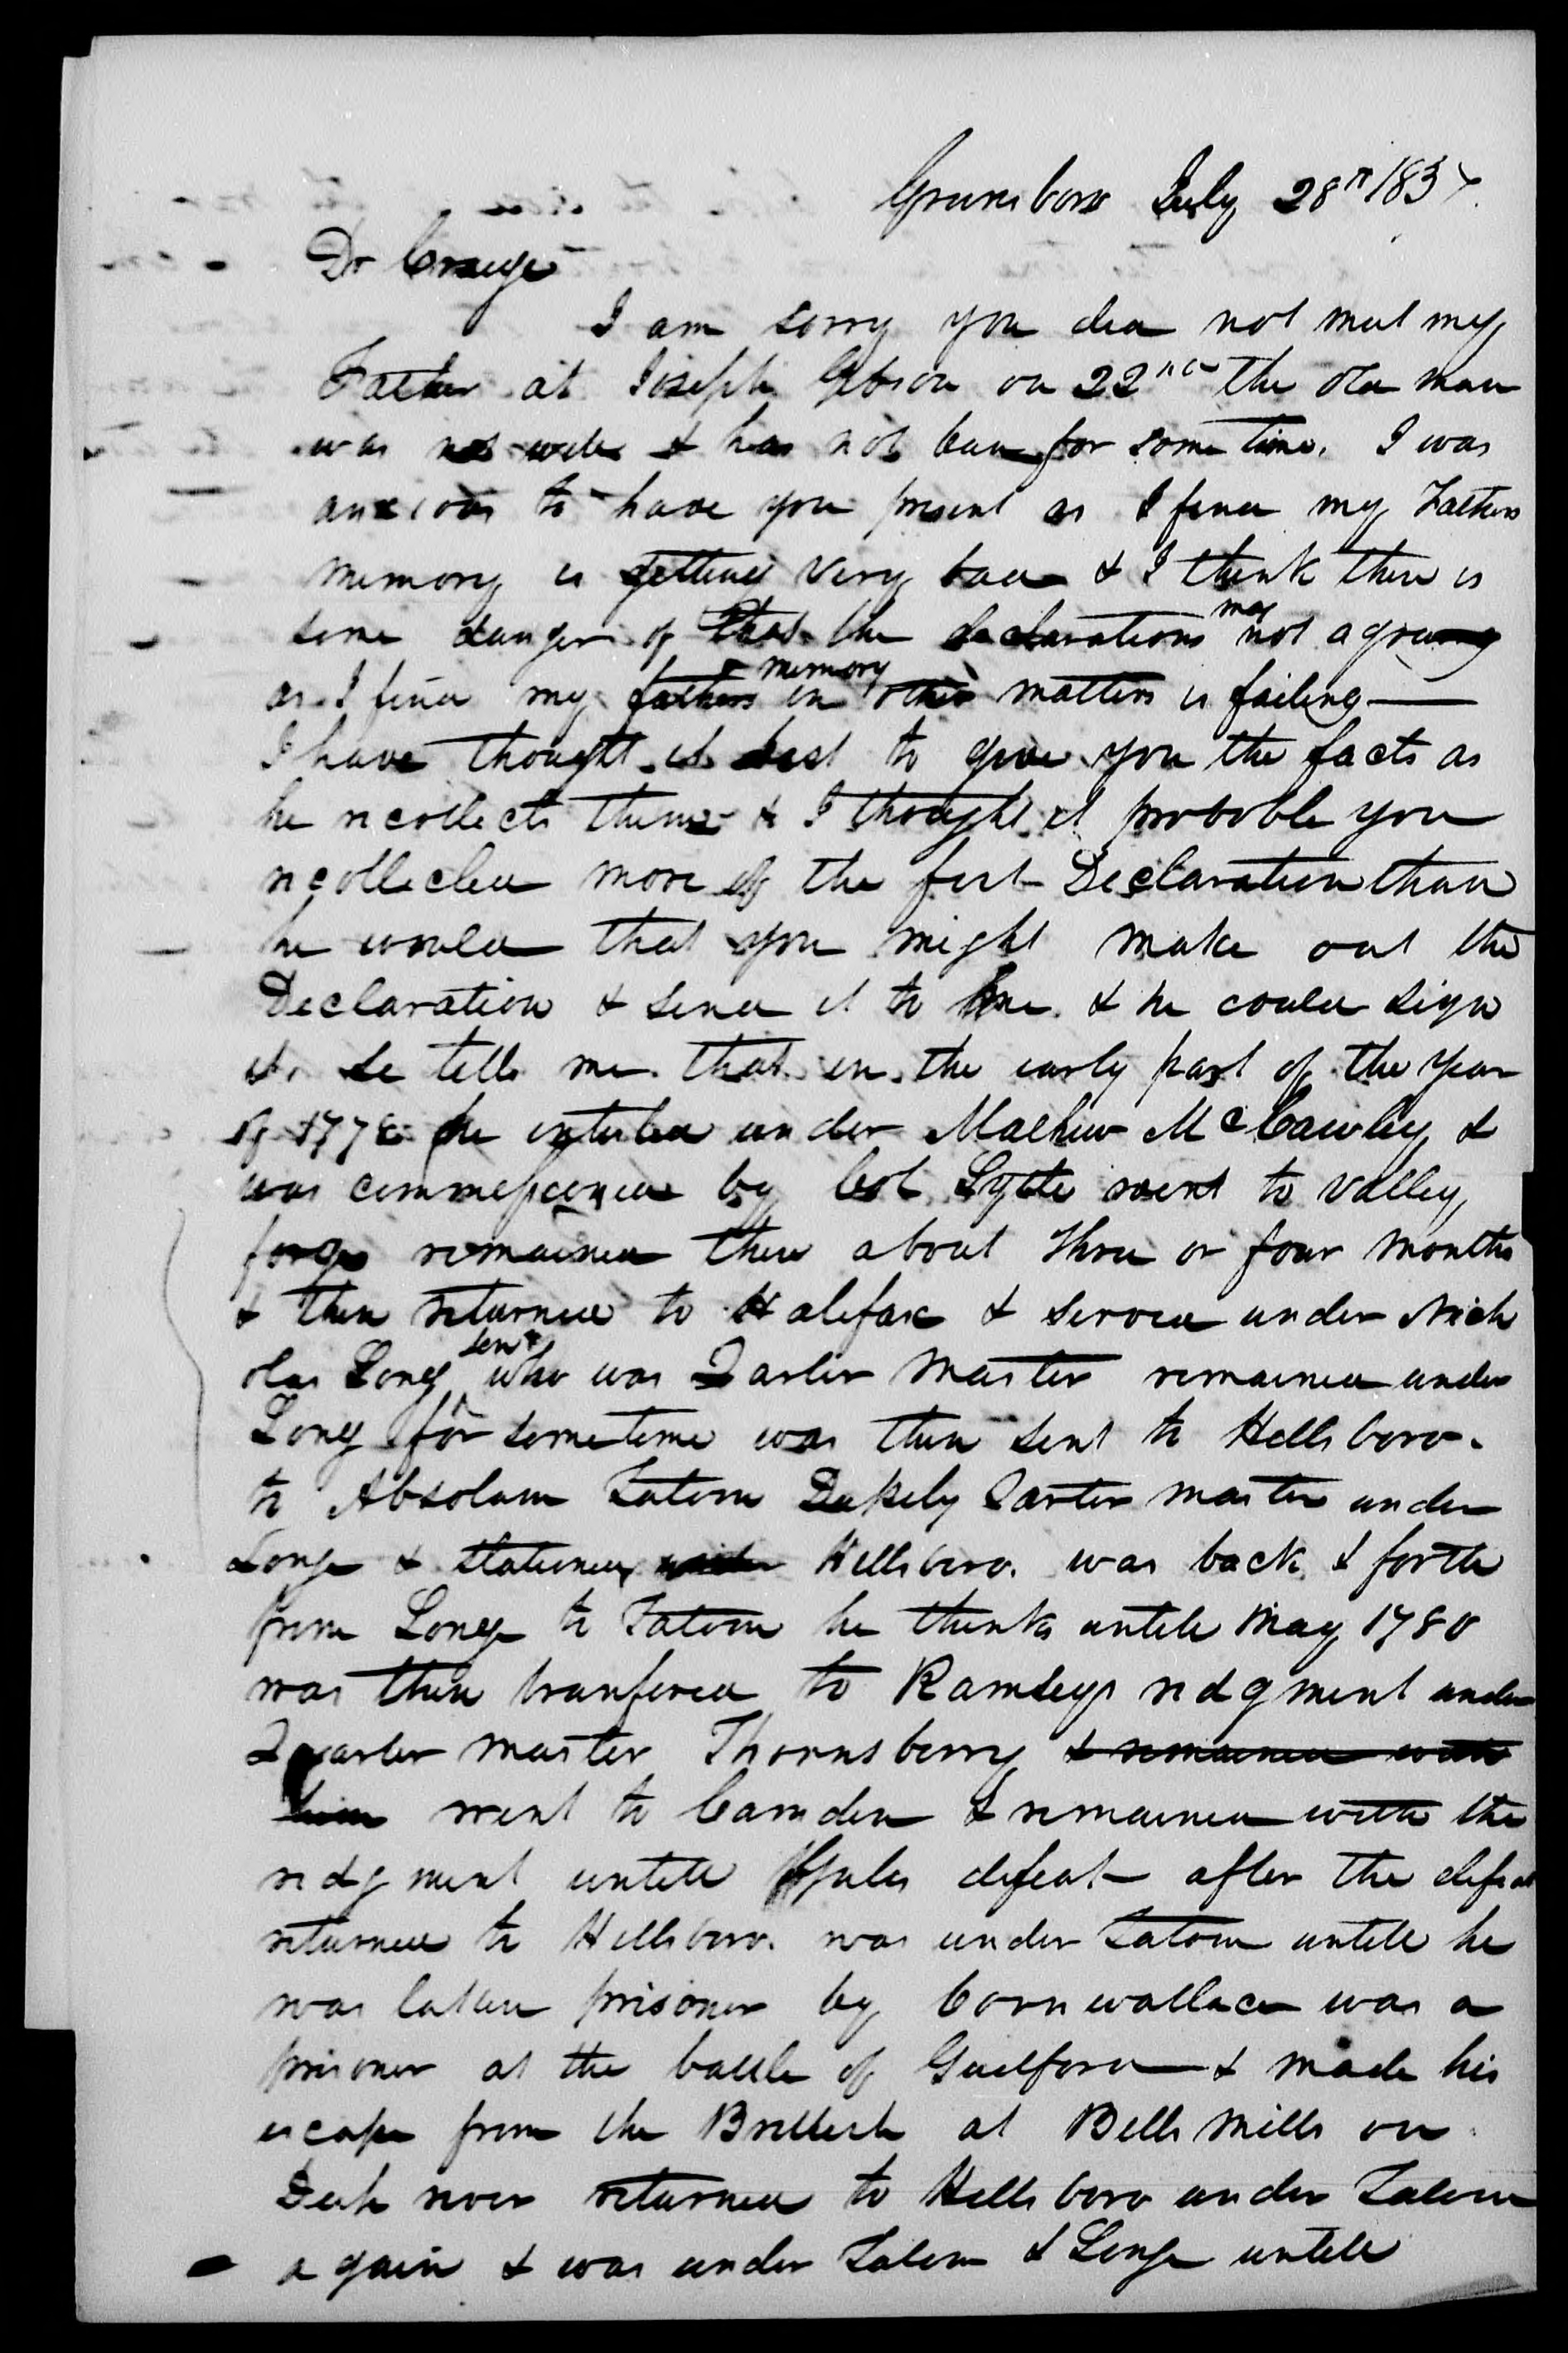[First page of two-page handwritten letter from Wm H Cummings, with numerous ink spots showing through from other side of the page. Occasional spacing has been included to make the long text block easier to read.]

Greensboro July 28th 1837.

Dr Craige 

I am Sorry you did not meet my Father at Joseph Gibson on 22nd  the old man was [here the next two words have ink marks, but appear to read:] not well and has not been for some time.  

I was anxious to have you present as I find my Fathers memory is getting Very bad and I think there is Some danger of [?] that the decleration [declaration] ^ may not [here the following word has an ink smear at the end of the word, but appears to be either:] agree [or agreing, possibly meaning agreeing] and find my fathers ^memoy in this matter is failing ____

I have thought it best to Give You the facts as he recollects them [illegible, possibly as:] I thought it probable you [nearly illegible word, possibly:] recollecten [? possibly meaning recollecting] more of the firt [probably meaning first] Declaration than he would__  that You Might Make out the Declaration and Send it to [ink-stained word, possibly:] me. and he could Sign it 

he tells me that in the early part of the Year of [?] 1776 he inlisted [enlisted] under Mathew McCawley and was commissioned by Col Lyttle  went to Valley [here  a hand-drawn bracket along the lower left side margin begins and continues below] forge  remained there about Three or four Months and then returned to Halifax and Served under Nicholas Long ^ [here it looks like "Sen *" was written] who was Qarter [Quarter] Master 

remained under Long for sometime  was thin [then] Sent to Hillsboro - to Absolum [or Absolem or Absolom] Tatum Deputy Qarter [Quarter] Master under Long and [?] Stationed [illegible word stricken through] Hillsboro, was back and forth 

[here the left side bracket ends] from Long to Tatum he thinks until May 1780 was thin [then] tranfered [transferred] to Ramseys ridgment [regiment] under Quarter Master Thornsberry [here the next four words are stricken through:] and remained with him  

went to Camden and remained with the ridgment [regiment] untill [until] Gates defeat. - after the defeat returned to Hillsboro.  was under Tatom untill [until] he was taken prisoner by Cornwallace

was a prisoner at the battle of Guilford and Made his escape from the Brittish [British] at Bells Mills on Deep river 

returned to Hillsboro under Tatem [or Tatum or Tatom] again and was under Tatem and Long untill [until]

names: Absolem Tatum, Longe, Thomas Berry, Long, Long, Lytle, Tatum, Tatum, Joseph Gibson, Mathew Mc Cawley, Craige, Nicholas Long, Long, Tatum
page: 141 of 145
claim: survivor's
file: S. 8265, William Cumming, N.C.